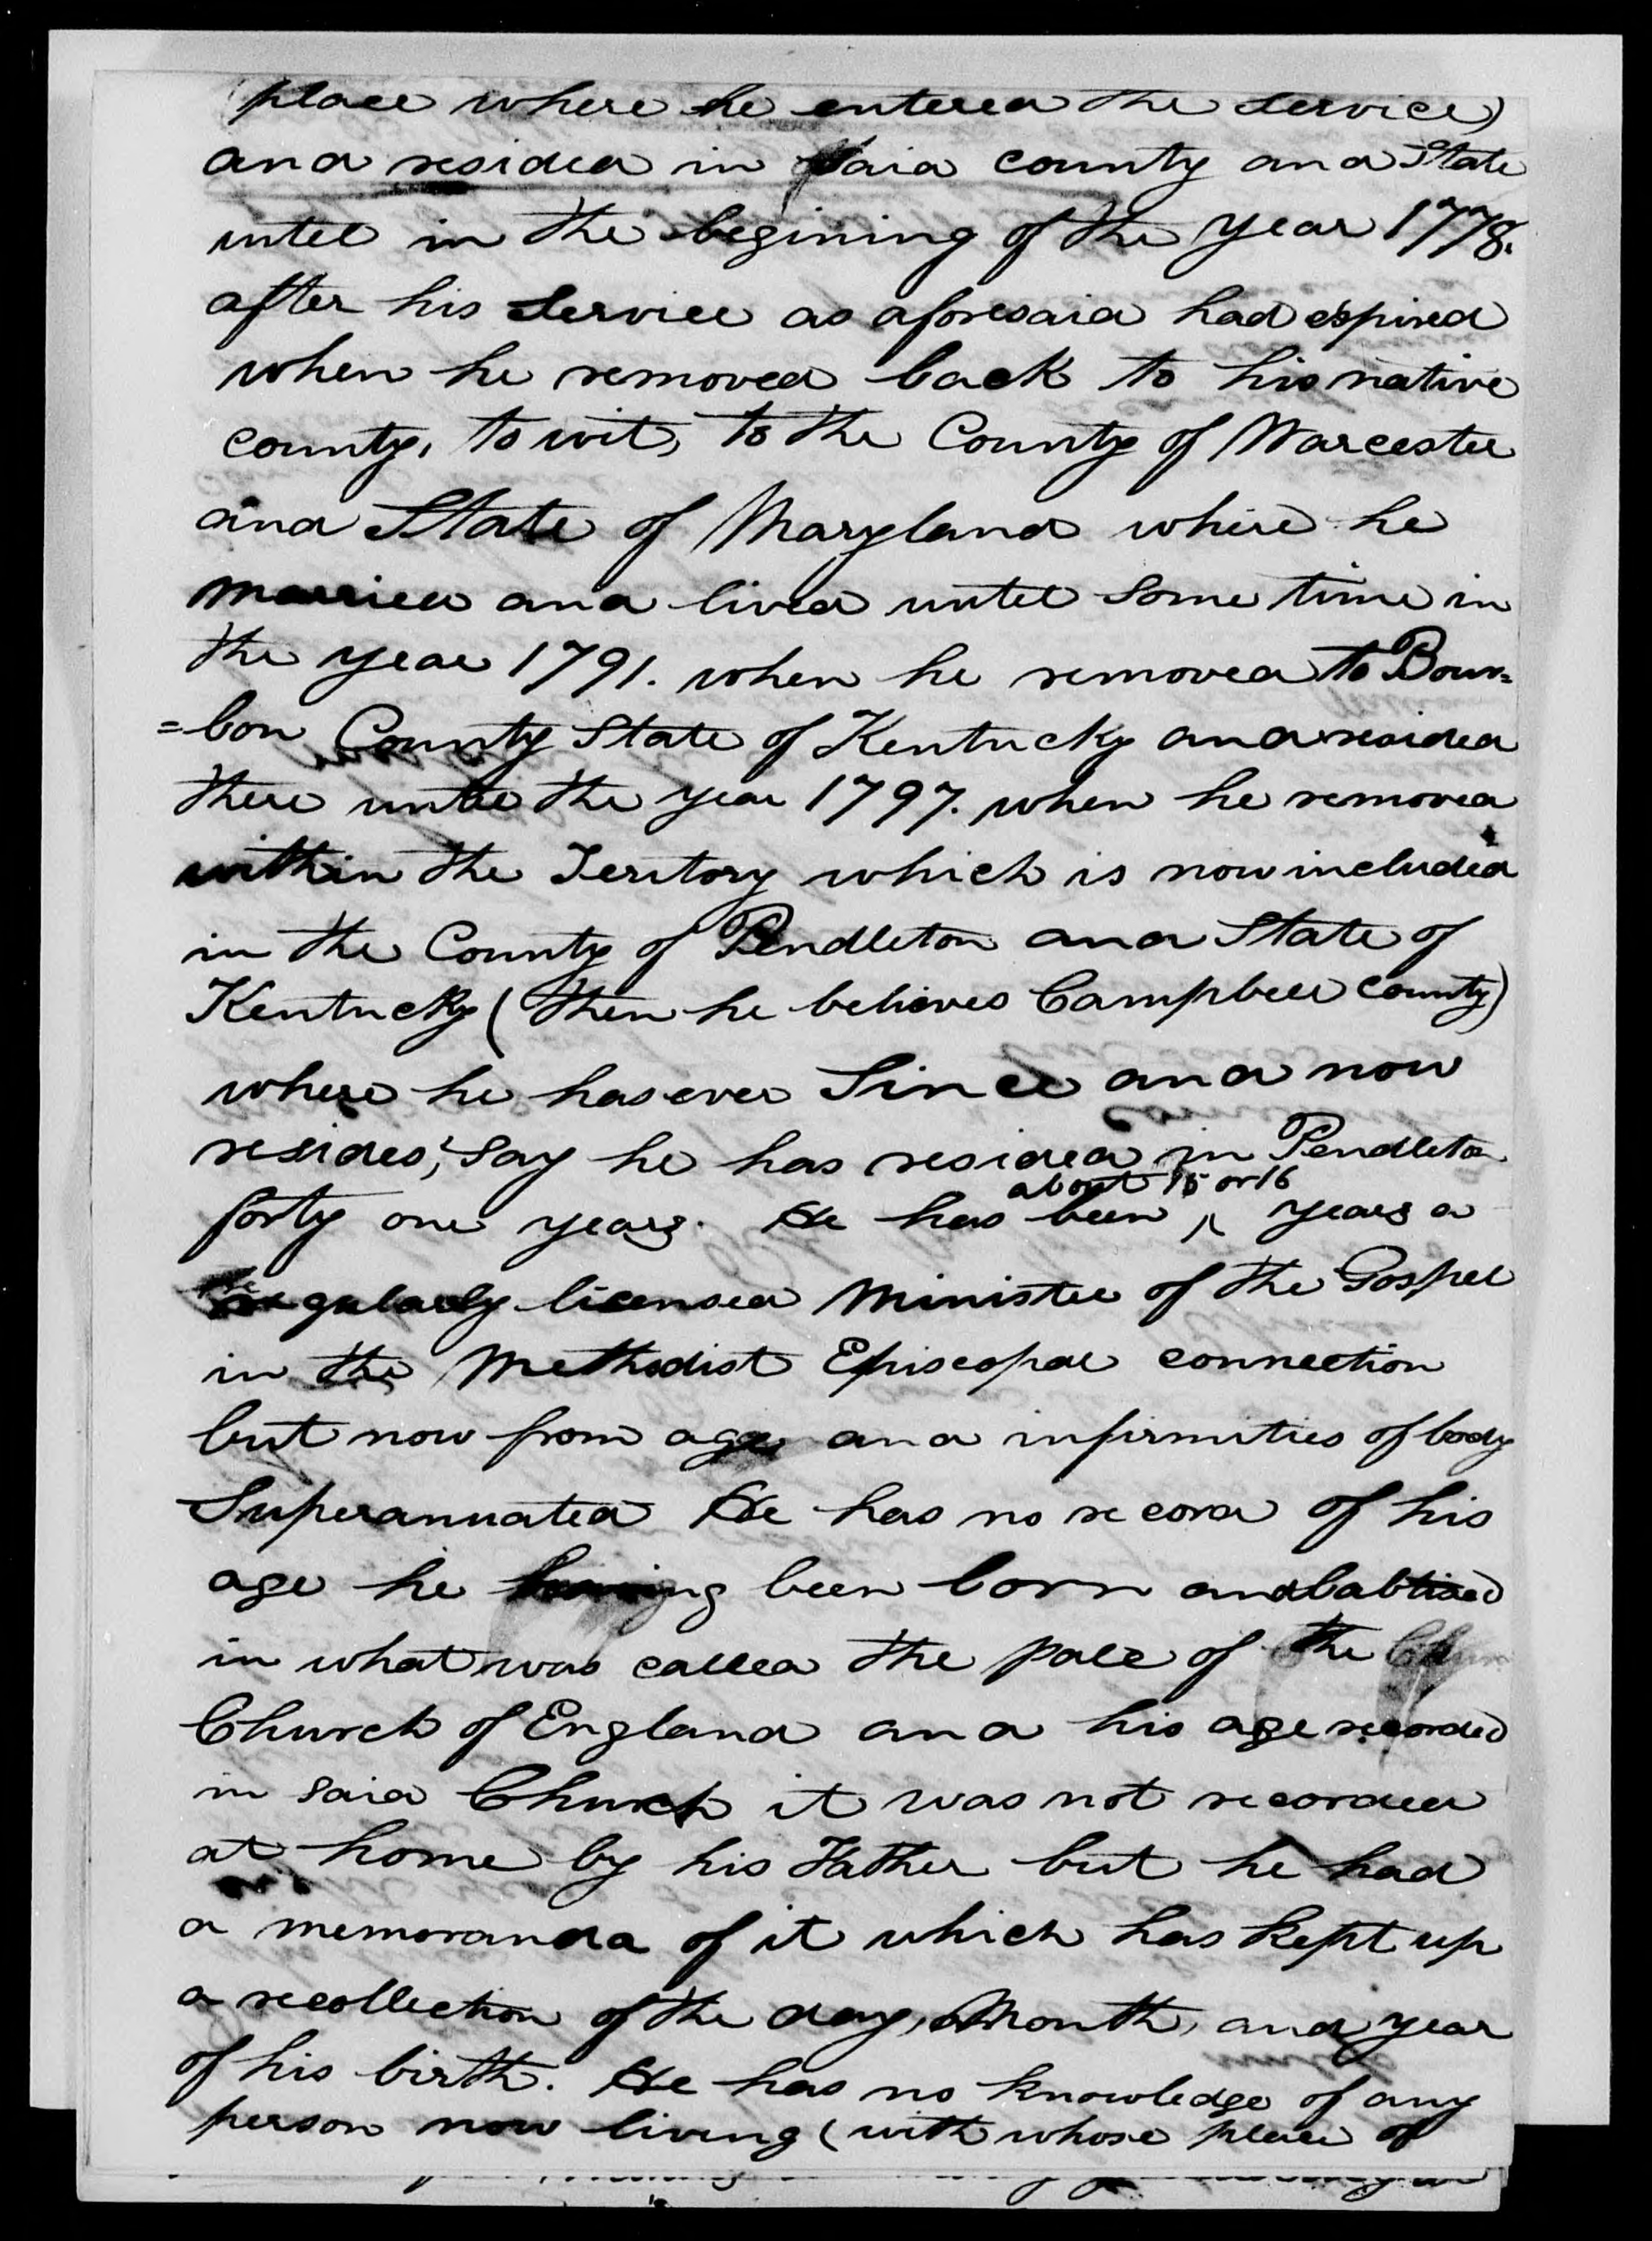Place where he entered the service and resided in said county and state until the beginning of the year 1778 after his service as aforesaid had expired when he removed back to his native county, to wit, the county of Worcester and the state of Maryland where he married and lived until some time in the year 1791 when he removed to Bourbon county state of Kentucky and resided there until the year 1797 when he removed within teh county of Pendleton and state of Kentucky (then he believes Campbell county) where he has ever since and now resides, say he has resided in Pendleton forty one years.  He has been about 15 or 16 years a regularly licensed Minister of the Gospel in the Methodist Episcopal connection but now from age and infirmities of body (superannuated?).   He has no record of his age having been born and baptized in what was called the (pad?) of the Church of England and his age recorded in said church it was not recorded by his father but he had a memoranda of it which he ha kept up a recollection of the day, month, and year of his birth.  He has no knowledge of any persons now living (with whose place of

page: 11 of 25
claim: survivor's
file: S. 13789, for Samuel Lockwood, Delaware